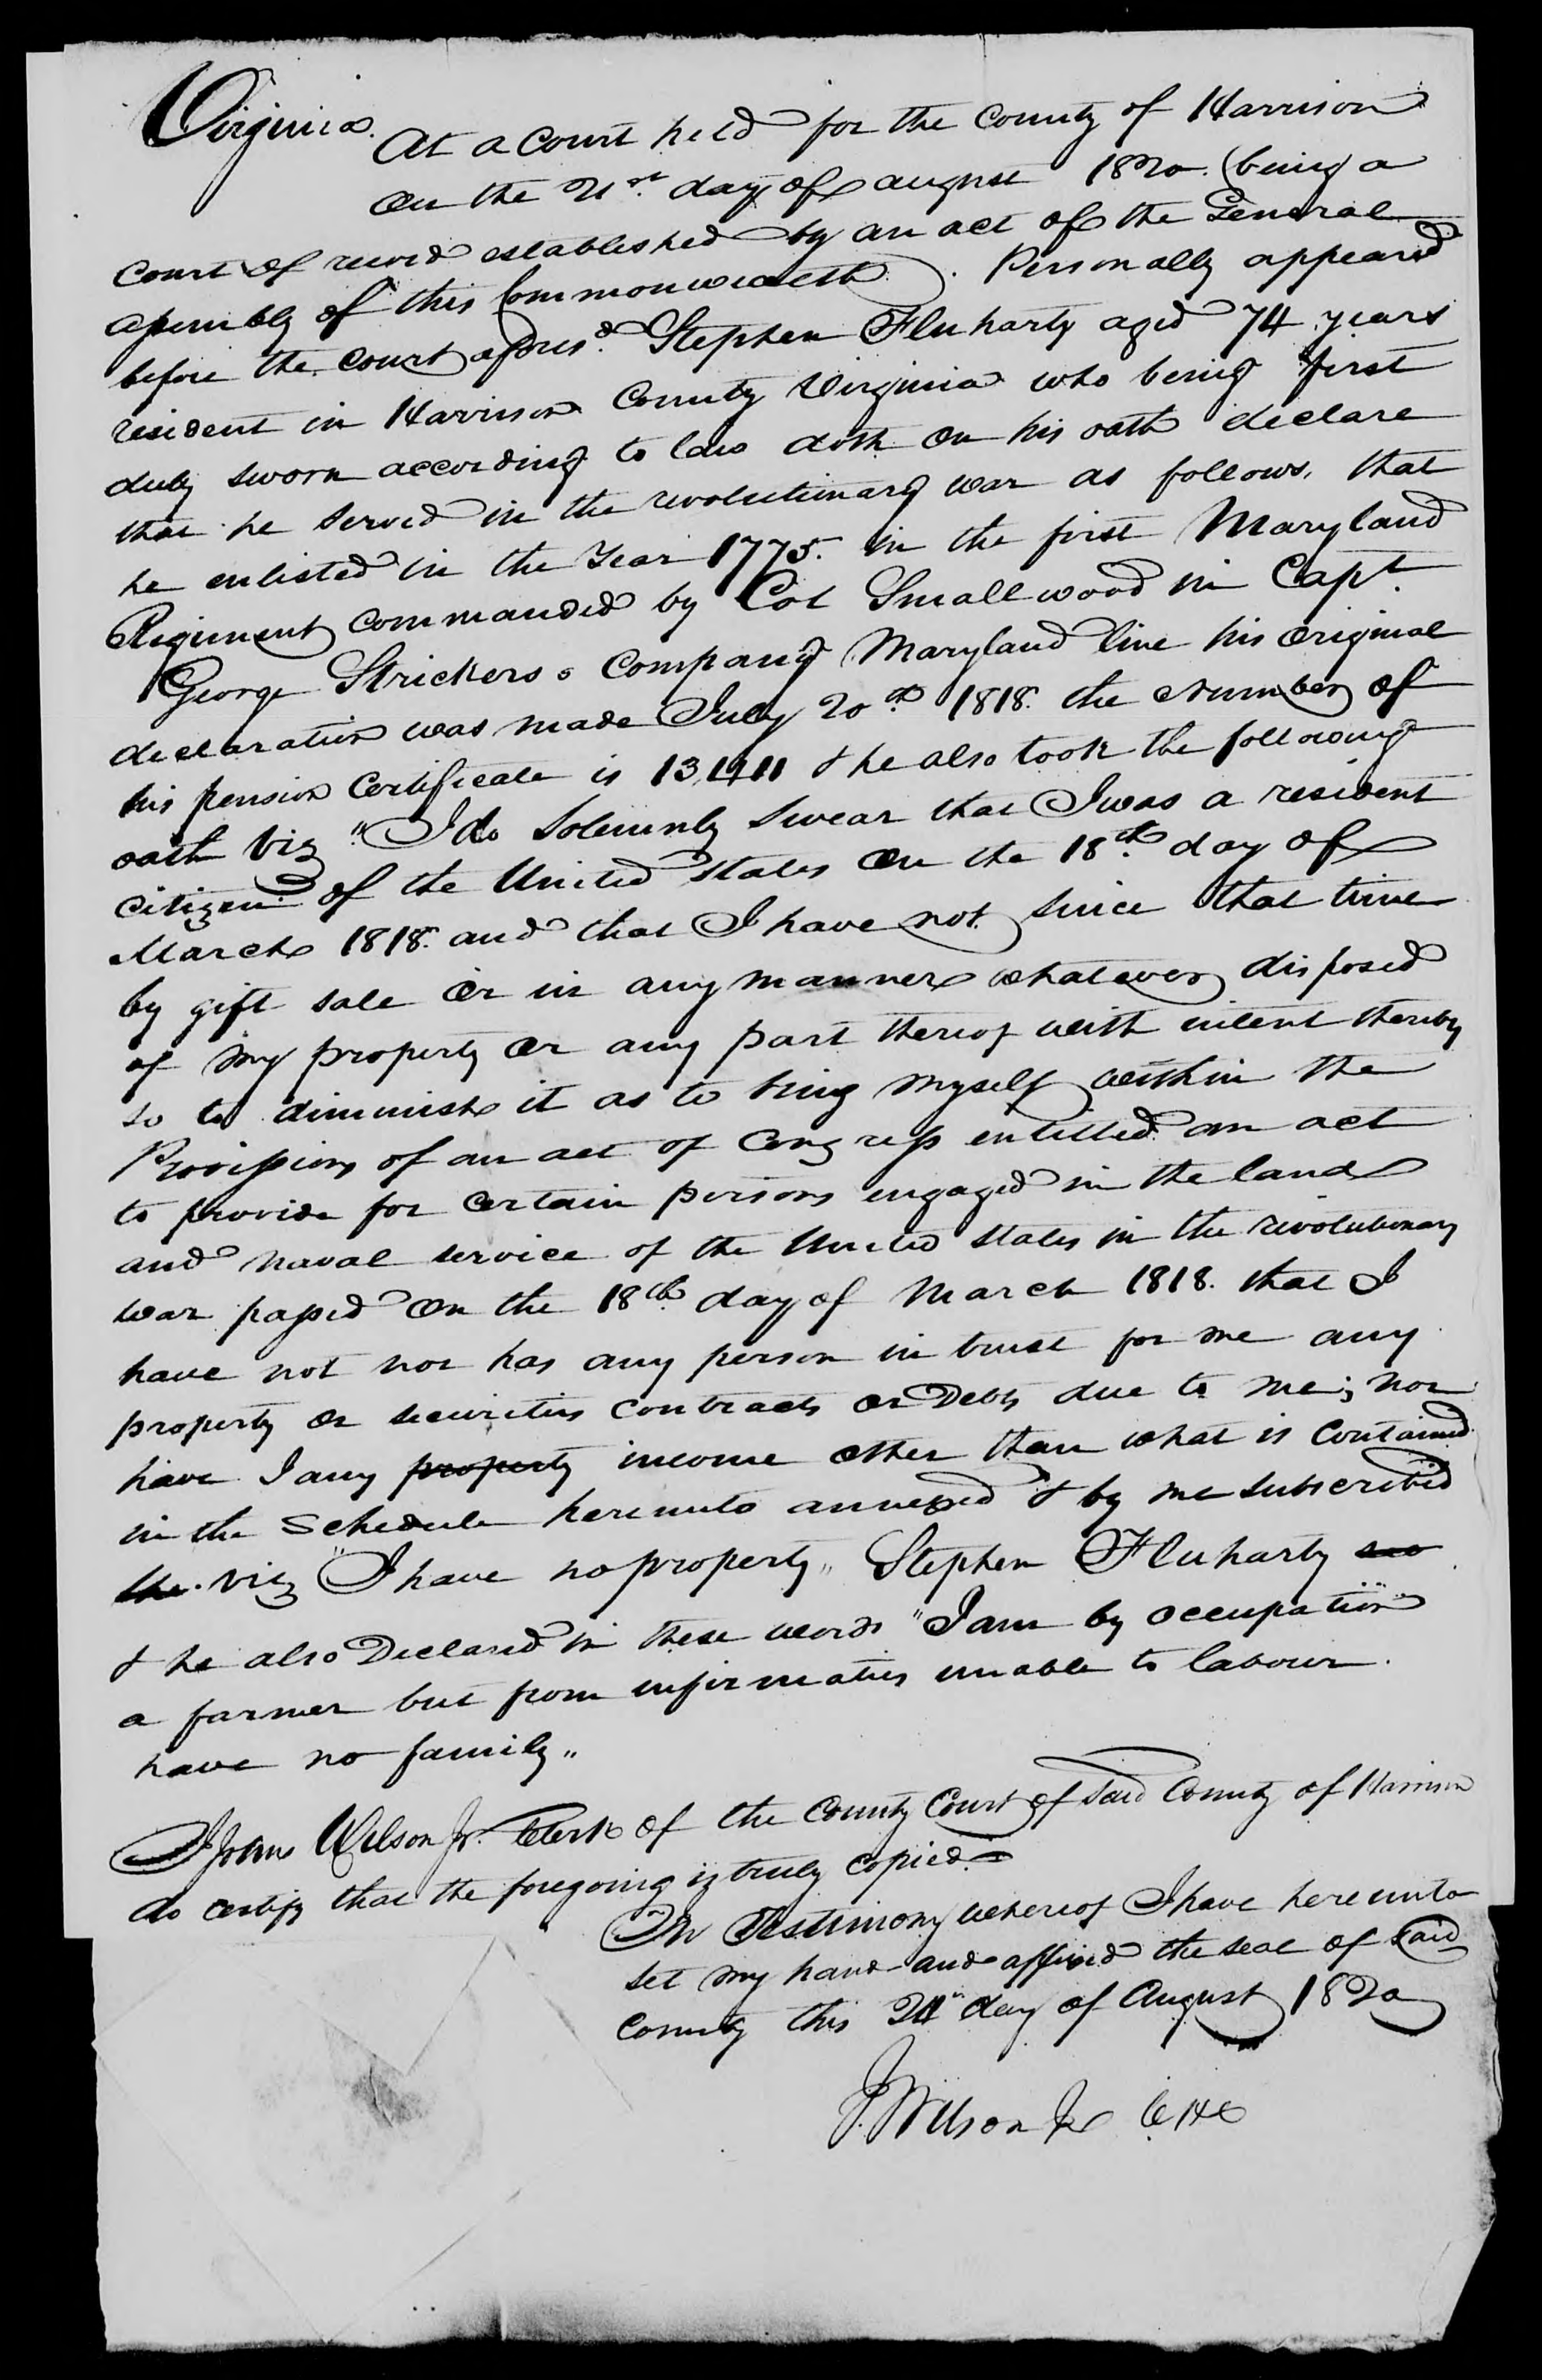Virginia At a court held for the county of Harrison on the 21st day of August 1820 (being a court of record established by an act of the General Assembly of this Commonwealth). Personally appeared before the court aforesd. Stephen Fleeharty aged 74 years resident in Harrison County Virginia who being first duly sworn according to law doth on his oath declare that he served in the revolutionary war as follows, that he enlisted in the Year 1775 in the first Maryland Regiment commanded by Col Smallwood in Capt George Strickens Company Maryland line his original declaration was made July 20 1818 the number of his pension certificate is 13.411 + he also took the following oath viz. “I do solemnly swear that I was a resident citizen of the United States on the 18th day of March 1818 and that I have not since that time by gift sale or in any manner whatever disposed of my property or any part thereof with intent thereby so to diminish it as to bring myself within the provisions of an act of Congress entitled an act to provide for certain persons engaged in the land and naval service of the United States in the revolutionary war passed on the 18th day of March 1818. That I have not nor has any person in trust for me any property or securities contracts or Debts due to me; nor have I any property [lined out] income other than what is contained in the schedule hereunto annexed + by me subscribed viz “I have no property” Stephen Fleeharty + he also Declared in these words “I am by occupation a farmer but from infirmities unable to labor have no family” I John Wilson Jr. Clerk of the county court of said county of Harrison do certify that the foregoing is truly copied. In Testimony whereof I have hereunto set my hand and affixed the seal of said county this 24th day of August 1820 J Wilson Jr. C H C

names: John Wilson, Smallwood, Stephen Fleeharty, Stephen Fleeharty, J Wilson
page: 7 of 14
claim: survivor's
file: S. 39529, Stephen Fleeharty, Md.